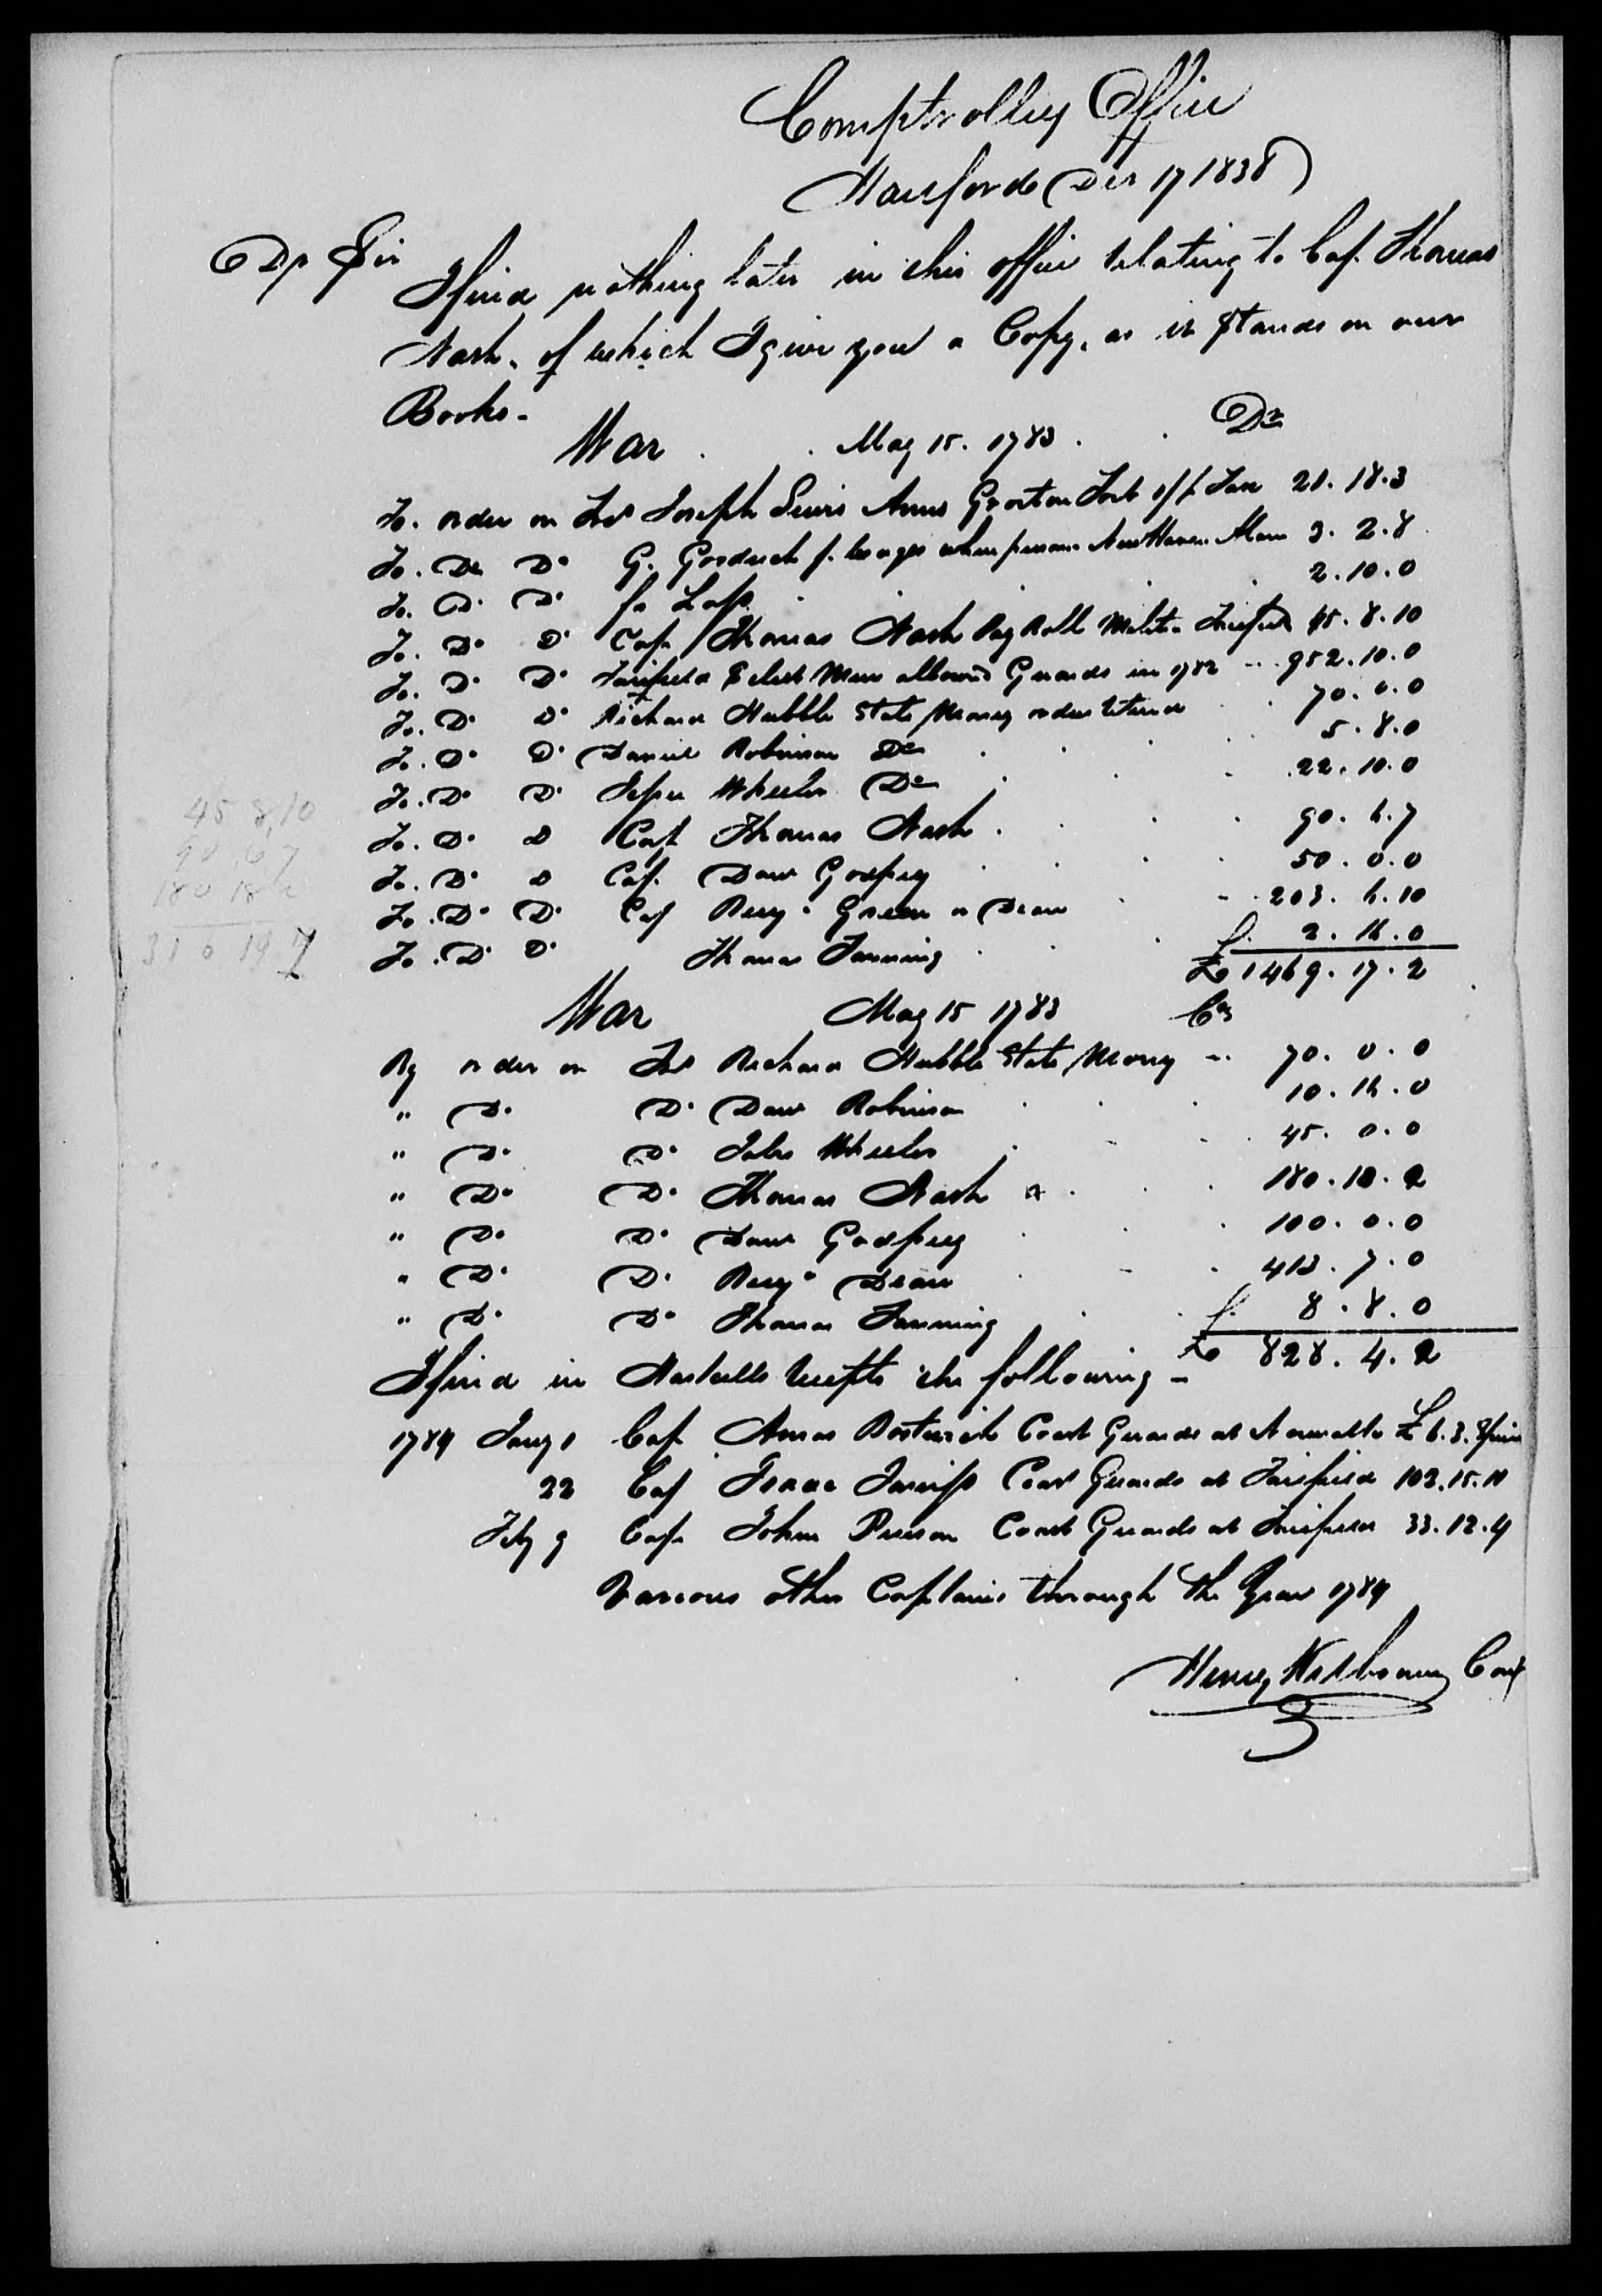Comptrollers Office
Hartford Dec 17 1838
Dr Sir
I find nothing later in this office relating to Capt. Thomas Nash, of which I give you a Copy as it stands on our Books
War - May 18, 1783 - Ds
To. order on Lt Joseph Lewis Amos Groton Last of Jan - 21. 18.3
To. Do Do G. Gorduch J. Hayes when p[illegible] New Haven - 3.2.8
To. Do Do for Life - 2.10.0
To. Do Do Cap Thomas Nash pay roll Militia Fairfield - 45.8.10
To. Do Do Fairfield Select Men allowed Guards in 1782 - 952.10.0
To. Do Do Richard Hubble State Money order [illegible] - 70.0.0
To. Do Do Samuel Robinson Do - 5.8.0
To. Do Do Sepm Wheeler Do - 22.10.0
To. Do Do Cap Thomas Nash - 90.4.7
To. Do Do Cap Dans Godfrey - 50.0.0
To. Do Do Cap Perry Green or Dean - 203.4.10
To. Do Do Thomas Fanning - 2.16.0
£ 1469.17.2
War - May 15 1783 - Cs
By order on Lt Richard Hubble State Money - 70.0.0
" Do Do Dans Robinson - 10.14.0
" Do Do Tabs Wheeler - 45.0.0
" Do Do Thomas Nash - 180.18.2
" Do Do Dans Godfrey - 100.0.0
" Do Do Perry Dean - 413.7.0
" Do Do Thomas Fanning - 8.8.0
£ 828.42
I find in Haskells Twelfth the following -
1789 days, Cap Amos Posturch Coast Guards at Norwalk £6.3.8/[illegible]
22 Cap Jeace Jamiss Coast Guards at Fairfield 102.15.11
July 9 Cap John Pearson Coast Guards at Fairfield 33.12.4
Various other Captains through the year 1784
Henry Walbourn Corp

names: Amos Bostonick, Benj Green, Thomas Jenning, Benj Dean, Danl Robinson, Jessee Wheeler, Thomas Nash, John Pearson, Danl Godfrey, Amos Groton, Richard Hubble, Thomas Nash, Thomas Jenning, John Wheeler, Daniel Robinson, Henry Kilbourn, Thomas Nash, Isaac Turnip, Danl Godfrey, Joseph Lewis, G Gooduck, Richard Hubble, Thomas Nash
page: 18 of 69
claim: widow's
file: W. 25562, Abijah Elwood, Conn.